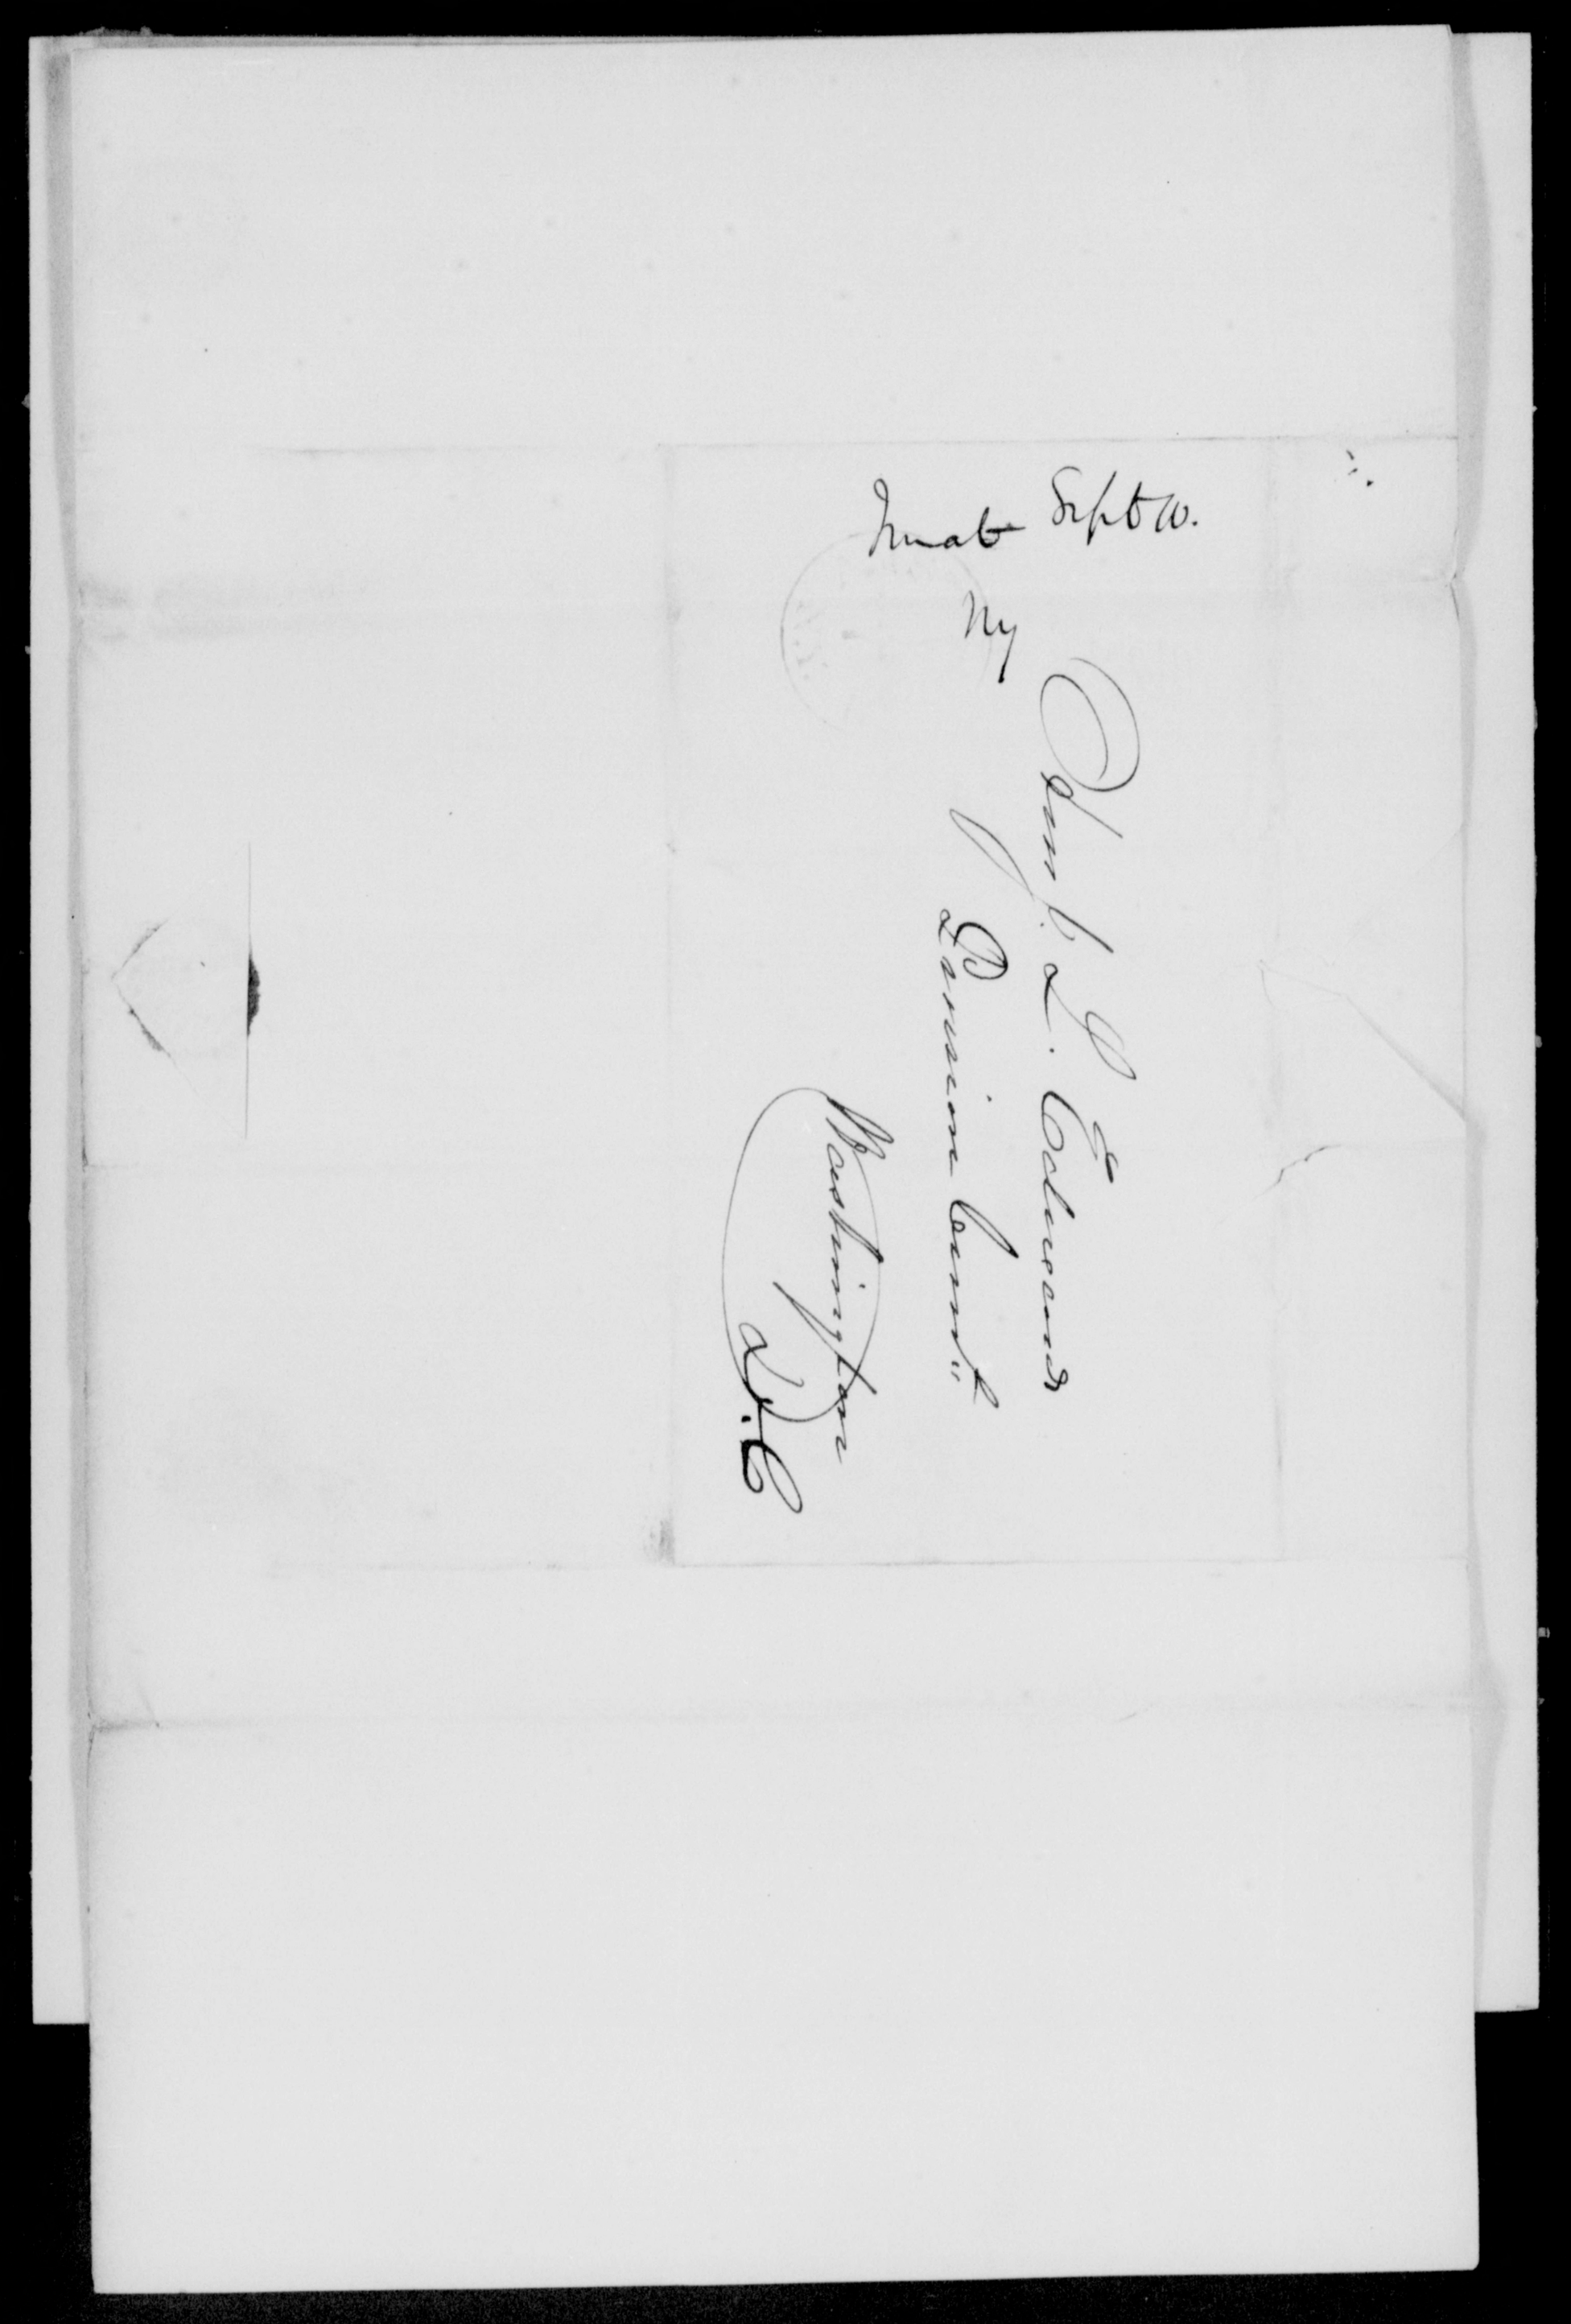In ab Sept 10. 
NY

Hon J. L. Edwards
Pension Commr.
Washington D.C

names: J L Edwards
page: 44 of 57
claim: survivor's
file: S. 28,925, Albert Van Housen, New York